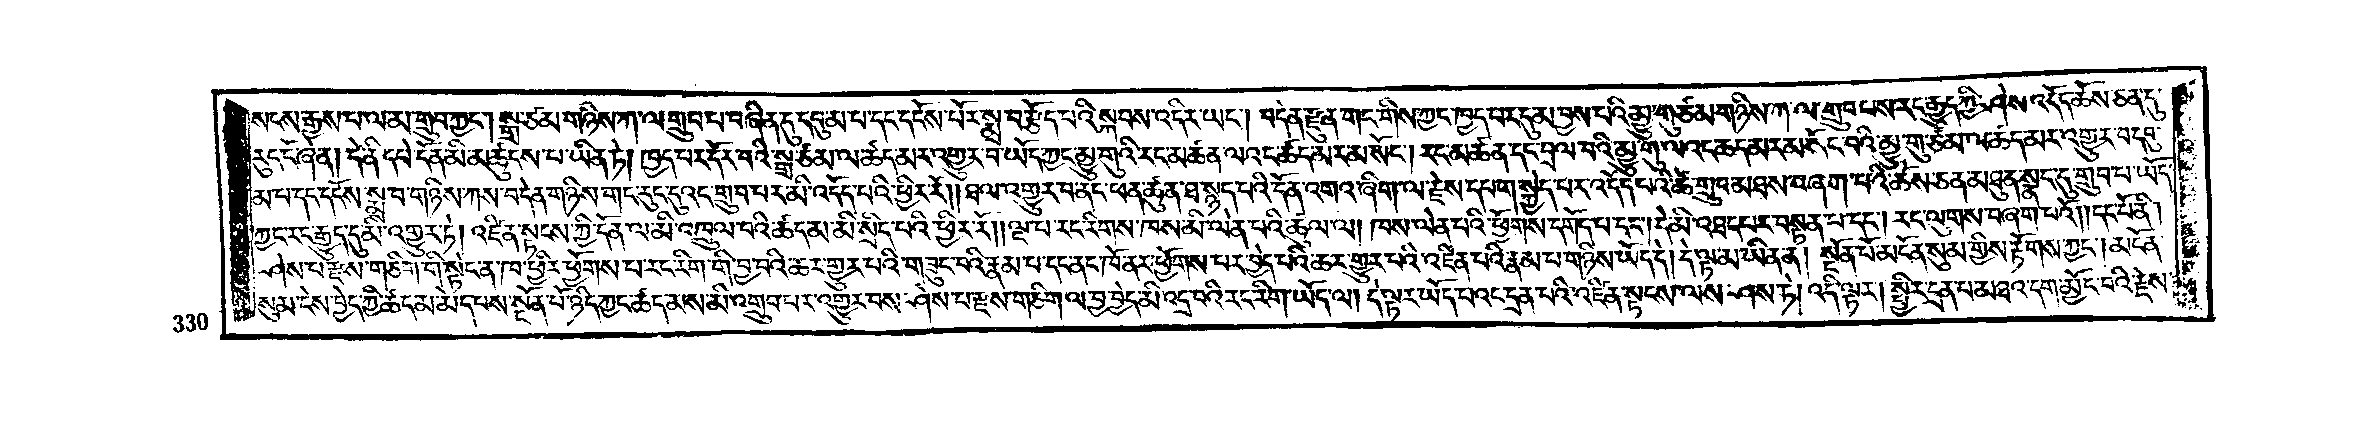སངས་རྒྱས་པ་ལ་མ་གྲུབ་ཀྱང་། སྒྲ་ཙམ་གཉིས་ཀ་ལ་གྲུབ་པ་བཞིན་དུ་དབུ་མ་པ་དང་དངོས་པོར་སྨྲ་བ་རྩོད་པའི་སྐབས་འདིར་ཡང་། བདེན་རྫུན་གང་གིས་ཀྱང་ཁྱད་པར་དུ་མ་བྱས་པའི་མྱུ་གུ་ཙམ་གཉིས་ཀ་ལ་གྲུབ་པས་རང་རྒྱུད་ཀྱི་ཤེས་འདོད་ཆོས་ཅན་དུ་
རུང་ངོ་ཞེ་ན། དེ་ནི་དཔེ་དོན་མི་མཚུངས་པ་ཡིན་ཏེ། ཁྱད་པར་དོར་བའི་སྒྲ་ཙམ་ལ་ཚད་མར་འགྱུར་བ་ཡོད་ཀྱང་མྱུ་གུའི་རང་མཚན་ལའང་ཚད་མར་མ་སོང་། རང་མཚན་དང་བྲལ་བའི་མྱུ་གུ་ལའང་ཚད་མར་མ་སོང་བའི་མྱུ་གུ་ཙམ་ལ་ཚད་མར་འགྱུར་བ་དབུ་
མ་པ་དང་དངོས་སྨྲ་བ་གཉིས་ཀས་བདེན་གཉིས་གང་རུང་དུའང་གྲུབ་པར་མི་འདོད་པའི་ཕྱིར་རོ། །ཐལ་འགྱུར་བ་ནང་ཕན་ཚུན་ཐ་སྙད་པའི་དོན་འགའ་ཞིག་ལ་རྗེས་དཔག་སྐྱེད་པར་འདོད་པའི་ཚེ་གྲུབ་མཐས་བཞག་པའི་ཆོས་ཅན་མཐུན་སྣང་དུ་གྲུབ་པ་ཡོད་
ཀྱང་རང་རྒྱུད་དུ་མི་འགྱུར་ཏེ། འཛིན་སྟངས་ཀྱི་དོན་ལ་མི་འཁྲུལ་བའི་ཚད་མ་མི་སྲིད་པའི་ཕྱིར་རོ། །ལྔ་པ་རང་རིགས་ཁས་མི་ལེན་པའི་ཚུལ་ལ། ཁས་ལེན་པའི་ཕྱོགས་དགོད་པ་དང་། དེ་མི་འཐད་པར་བསྟན་པ་དང་། རང་ལུགས་བཞག་པའོ། །དང་པོ་ནི།
ཤེས་པ་རྫས་གཅིག་གི་སྟེང་ན་ཁ་ཕྱིར་ཕྱོགས་པ་རང་རིག་གི་བྱ་བའི་ཆར་གྱུར་པའི་གཟུང་བའི་རྣམ་པ་དང་ནང་ཁོ་ནར་ཕྱོགས་པར་བྱེད་པའི་ཆར་གྱུར་པའི་འཛིན་པའི་རྣམ་པ་གཉིས་ཡོད་དེ། དེ་ལྟ་མ་ཡིན་ན། སྔོན་པོ་མངོན་སུམ་གྱིས་རྟོགས་ཀྱང་། མངོན་
སུམ་ངེས་བྱེད་ཀྱི་ཚད་མ་མེད་པས་སྔོན་པོ་ཉིད་ཀྱང་ཚད་མས་མི་འགྲུབ་པར་འགྱུར་བས་ཤེས་པ་རྫས་གཅིག་ལ་བྱ་བྱེད་མི་འདྲ་བའི་རང་རིག་ཡོད་ལ། དེ་ལྟར་ཡོད་པའང་དྲན་པའི་འཛིན་སྟངས་ལས་ཤེས་ཏེ། འདི་ལྟར། སྤྱིར་དྲན་པ་མཐའ་དག་མྱོང་བའི་རྗེས་